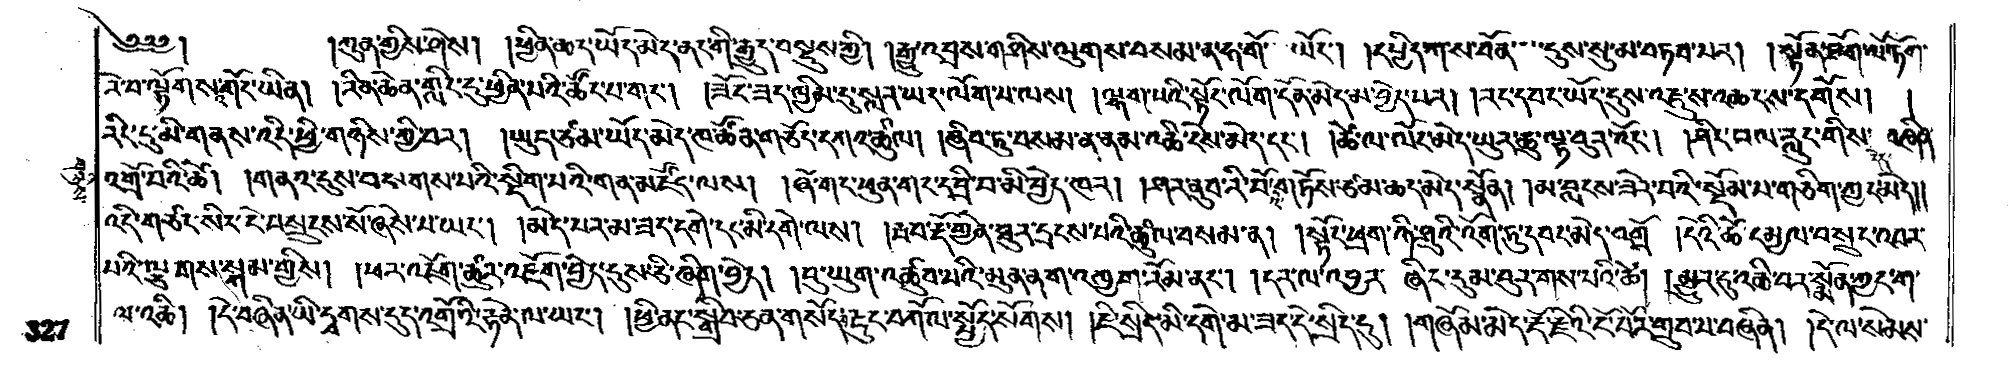༄༅༅། །ཀུན་གྱིས་ཤེས། །ཕྱིན་ཆད་ཡོད་མེད་ནང་གི་རྒྱུད་བསྡུས་ཀྱི། །རྒྱུ་འབྲས་གཤིས་ལུགས་བསམ་ན་ཧ་གོ་ཡོང་། །དཔྱིད་ཀ་ས་བོན་དུས་སུ་མ་བཏབ་པར། །སྟོན་ཐོག་ལོ་ཏོག་
རེ་བ་ལྟོགས་འགོང་ཡིན། །རིན་ཆེན་གླིང་དུ་ཕྱིན་པའི་ཚོང་པ་གང་། །ཟོང་ཟད་ཁྱིམ་དུ་སླར་ཡང་ལོག་པ་ལས། །ལྷག་པའི་སྟོང་ལོག་དོན་མེད་མ་བྱེད་པར། །རང་དབང་ཡོད་དུས་འཇུ?་ས་འཆང་ས་དགོས། །
རིང་དུ་མི་གནས་འདི་ཕྱི་གཉིས་ཀྱི་བར། །ཡུད་ཙམ་ཡོད་མེད་ཁ་ཚོན་གཅོད་དཀའ་ཚུལ། །ཞིབ་ཏུ་བསམ་ན་ནམ་འཆི་ངེས་མེད་དང་། །ཚེ་ལ་ལོང་མེད་ཡུར་ཆུ་ལྟ་བུར་འོང་། །ཤིང་བལ་རླུང་གིས་དེད་བཞིན་
འགྲོ་བའི་ཚེ། །གནའ་དུས་བསགས་པའི་སྡིག་པའི་གན་མཛོད་ལས། །ཞོ་གང་ཕུན་གང་དབྲི་བ་མི་བྱེད་ཁར། །ཤར་ནུབ་རི་བོའི་གཏོས་ཙམ་ཆད་མེད་སྣོན། །མ་བླངས་ཟེར་བའི་སྡོམ་པ་གཅིག་ཀྱང་མེད།།
འདི་གཙང་སིང་ངེ་བསྲུངས་སོ་ཞེས་པ་ཡང་། །མེད་པར་མ་ཟད་དགེ་དང་མི་དགེ་ལས། །རྦབ་རྡོ་གྱིན་ཐུར་དྲངས་པའི་ཚུལ་བསམ་ན། །སྟོང་ཕྲག་ཉི་ཤུའི་འོག་ཏུ་དབང་མེད་འགྲོ་།དེའི་ཚེ་དམྱལ་བསྲུང་འབར་
པའི་ལྕགས་སྐམ་གྱིས། །ཕར་འཇོག་ཚུར་འཇོག་བྱེད་དུས་ཅི་ཞིག་བྱེད། །བུ་ཡུག་འཚུབ་པའི་མུན་ནག་འཁྱག་རོམ་ནང་། །དར་ལ་འབྱར་ཞིང་དུམ་བུར་གས་པའི་ཚེ། །མྱུར་དུ་འཆི་བར་སྨོན་ཀྱང་ག་
ལ་འཆི། །དེ་བཞིན་ཡི་དྭགས་དུད་འགྲོའི་རྟེན་ལ་ཡང་། །ཕྱི་ནང་སྒྲིབ་ཅན་གསོད་བརྟུང་བཀོལ་སྤྱོད་སོགས། །ཇི་སྲིད་མི་དགེ་མ་ཟད་དེ་སྲིད་དུ། །གཞོམ་མེད་རྡོ་རྗེའི་ངོ་བོར་གྲུབ་པ་བཞིན། །དེ་ལ་སེམས་